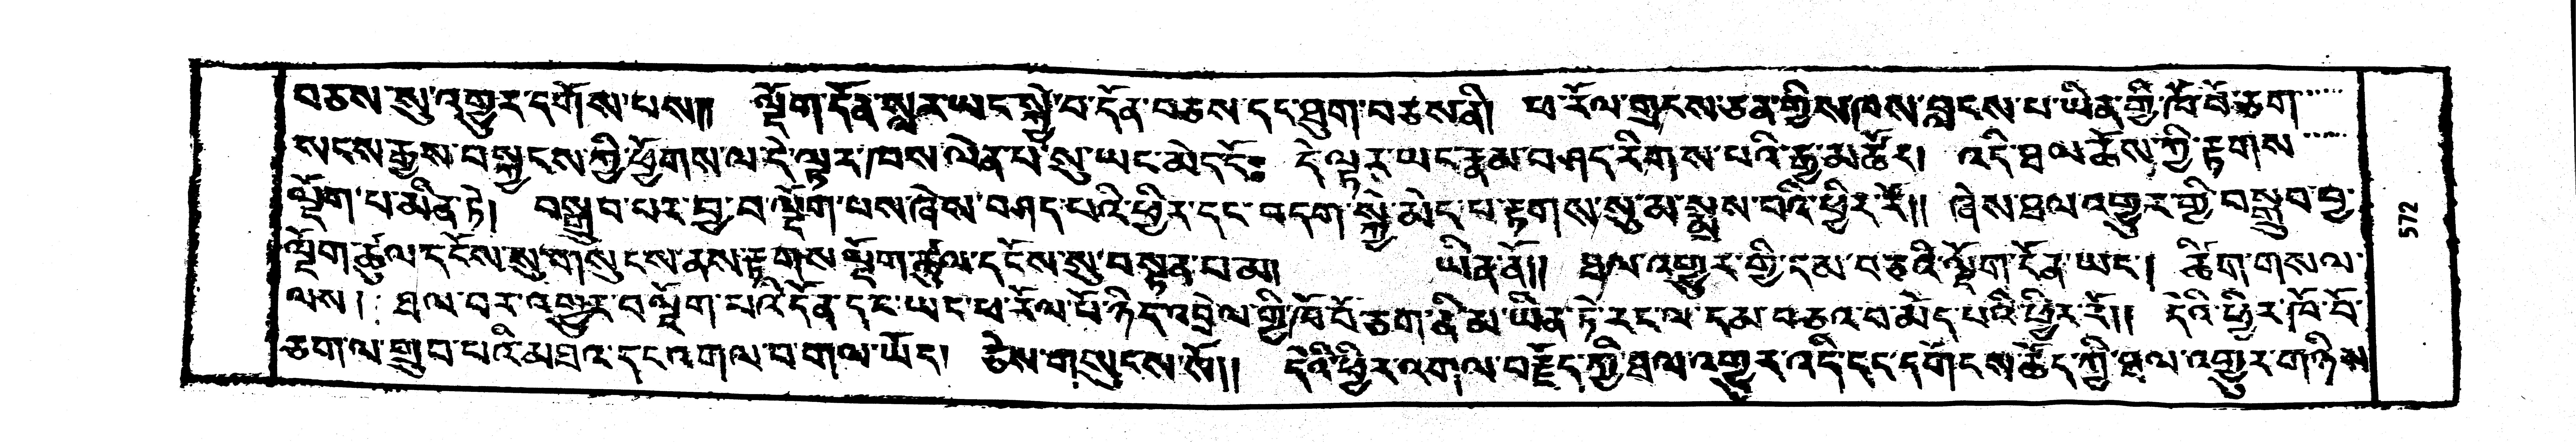བཅས་སུ་འགྱུར་དགོས་པས།། ལྡོག་དོན་སླར་ཡང་སྐྱེ་བ་དོན་བཅས་དང་ཐུག་བཅས་ནི། ཕ་རོལ་གྲངས་ཅན་གྱིས་ཁས་བླངས་པ་ཡིན་གྱི་ཁོ་བོ་ཅག་
སངས་རྒྱས་བསྐྱངས་ཀྱི་ཕྱོགས་ལ་དེ་ལྟར་ཁས་ལེན་པ་སུ་ཡང་མེད་དོ༑ དེ་ལྟར་ཡང་རྣམ་བཤད་རིགས་པའི་རྒྱ་མཚོར། འདི་ཐལ་ཆོས་ཀྱི་རྟགས་
ལྡོག་པ་མིན་ཏེ། བསྒྲུབ་པར་བྱ་བ་ལྡོག་པས་ཞེས་བཤད་པའི་ཕྱིར་དང་བདག་སྐྱེ་མེད་པ་རྟགས་སུ་མ་སྨྲས་པའི་ཕྱིར་རོ།། ཞེས་ཐལ་འགྱུར་གྱི་བསྒྲུབ་བྱ་
ལྡོག་ཚུལ་དངོས་སུ་གསུངས་ནས་རྟགས་ལྡོག་ཚུལ་དངོས་སུ་བསྟན་པ་མ། ཡིན་ནོ།། ཐལ་འགྱུར་གྱི་དམ་བཅའི་ལྡོག་དོན་ཡང་། ཚིག་གསལ་
ལས། ཐལ་བར་འགྱུར་བ་ལྡོག་པའི་དོན་དང་ཡང་ཕ་རོལ་པོ་ཉིད་འབྲེལ་གྱི་ཁོ་བོ་ཅག་ནི་མ་ཡིན་ཏེ་རང་ལ་དམ་བཅའ་བ་མེད་པའི་ཕྱིར་རོ།། དེའི་ཕྱིར་ཁོ་བོ་
ཅག་ལ་གྲུབ་པའི་མཐའ་དང་འགལ་བ་གལ་ཡོད། ཅེས་གསུངས་སོ།། དེའི་ཕྱིར་འགལ་བརྗོད་ཀྱི་ཐལ་འགྱུར་འདི་དང་དགོངས་ཆོད་ཀྱི་ཐལ་འགྱུར་གཉིས་